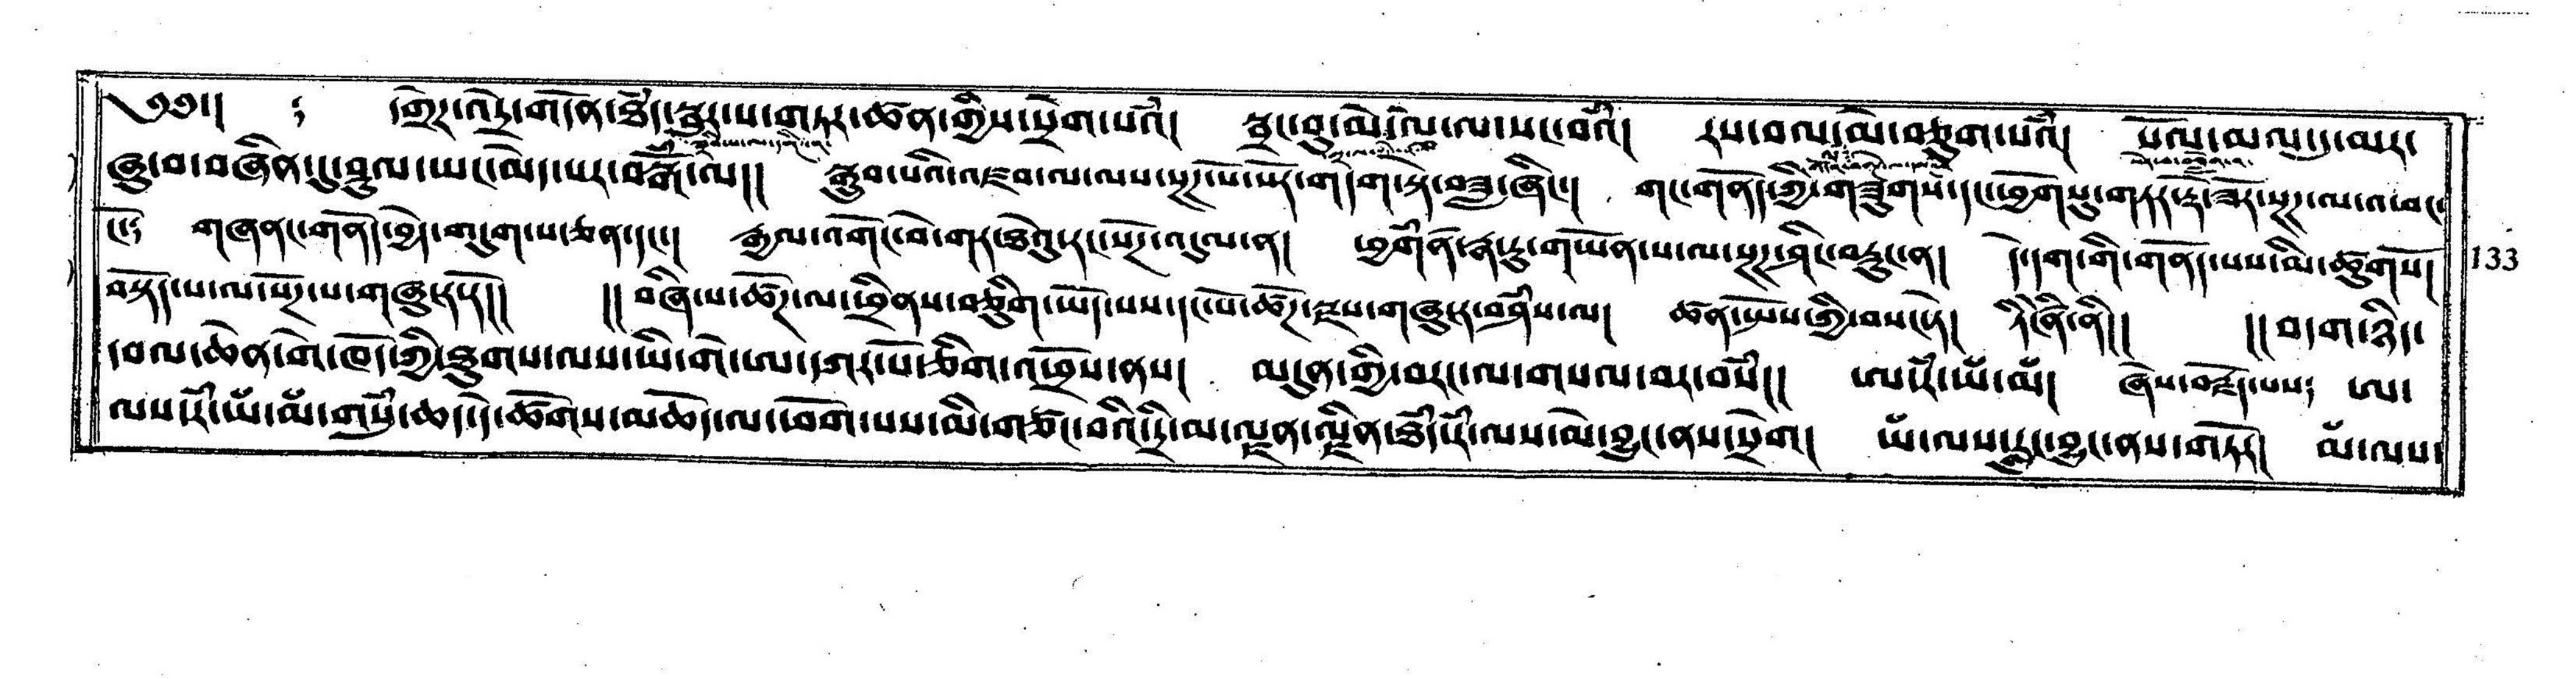དགྲ་བགེགས་འདྲེ་གདོན་ཐམས་ཅད་༼སྒྲིབ་པ་ལ་དམིགས་ན་༽ སྦུར་པ་གཏར་ཚན་གྱིས་སྲེག་པའམ། སྦྲང་བུ་མེ་༼དགྲ་ལ་དམིགས་ན་༽ལྕེ་ལ་སོང་བའམ། རས་བལ་༼གདོན་བགེགས་ལ་དམིགས་ན་༽ མེ་ལ་བཅུག་པའམ། སོལ་སེར་བ་བཟློག་ན་མལ་དུ་མར་
ཞུ་བ་བཞིན་དུ་ཤུལ་ཡང་མེད་པར་བསྒོམ་ལ།། སྒྲུབ་པའི་འཛབ་ལ་ལས་སྔགས་སོ་སོར་གདག་སྟེ་བཟླ་ཞིང་། གང་གནོད་ཀྱི་གཟུགས་དང་ཕྱོགས་སུ་གཏར་རྡོ་ཟོར་སྔགས་ལ་འཕང་
ངོ་། གཞན་ཡང་གནོད་བྱེད་གདུག་པ་ཅན་དང་། རྒྱལ་འགོང་བེ་གར་ཐེའུ་རང་སོགས་འདུལ་ན། ཕྱག་མཚན་རྣ་རུ་གཡོན་པ་ལ་སྔགས་ཤིང་བརྡུང་ན། དེ་དག་གི་གནོད་པས་མི་ཚུགས་སོ། 
བསྟོད་པ་ལ་སོགས་པ་གཞུང་ལྟར་རོ།། །།བཞི་པ་ཚོགས་ལ་ཕྲིན་ལས་བཅུ་གཅིག་ཡོད་པས་དང་པོ་ཚོགས་རྫས་གཞུང་ལྟར་བཤམས་ལ། ཚན་སྤོས་ཀྱི་བསང་སྟེ། ཏིང་ངེ་འཛིན་ནི།། །།བདག་ཉིད་
དབལ་ཆེན་གེ་ཁོད་ཀྱི་ཐུགས་ལས་ཡི་གེ་ཨ་དཀར་པོ་ཅིག་འཕྲོས་ནས། མདུན་གྱི་བར་སྣང་ལ་གསལ་བར་བསམ།། ཨ་རཾ་ཡཾ་མཾ། ཞེས་བརྗོད་པས ཨ་
ལས་རཾ་ཡཾ་མཾ་གསུམ་ཆད་དེ་ཚོགས་མཆོད་ལ་ཕོག་པས་མི་གཙང་བའི་དྲི་མ་ལྗན་ལྗིན་ཐམས་ཅད་རཾ་ལས་མེ་བྱུང་ནས་བསྲེགས། ཡཾ་ལས་རླུང་བྱུང་ནས་གཏོར། མཾ་ལས་